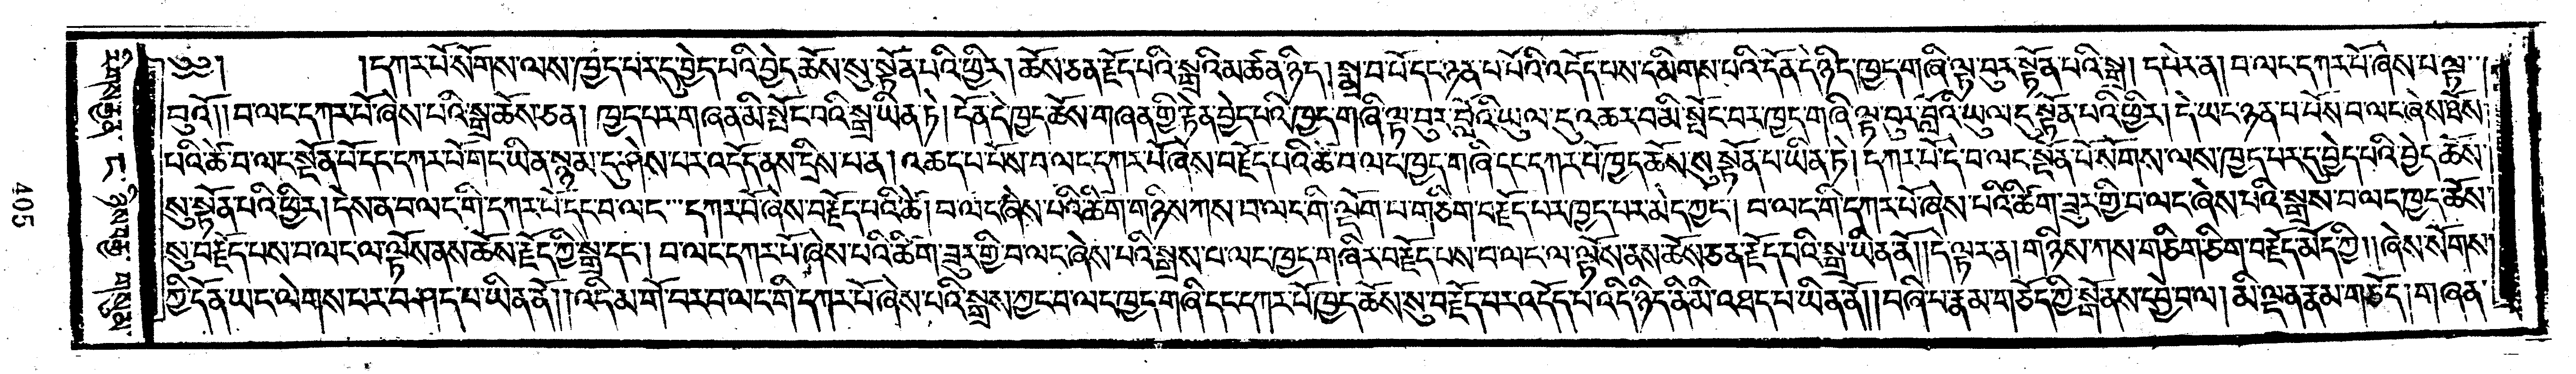༄༅། །དཀར་པོ་སོགས་ལས་ཁྱད་པར་དུ་བྱེད་པའི་བྱེད་ཆོས་སུ་སྟོན་པའི་ཕྱིར། ཆོས་ཅན་རྗོད་པའི་སྒྲའི་མཚན་ཉིད། སྨྲ་བ་པོ་དང་ཉན་པ་པོའི་འདོད་པས་དམིགས་པའི་དོན་དེ་ཉིད་ཁྱད་གཞི་ལྟ་བུ་སྟོན་པའི་སྒྲ། དཔེར་ན། བ་ལང་དཀར་པོ་ཞེས་པ་ལྟ་
བུའོ། །བ་ལང་དཀར་པོ་ཞེས་པའི་སྒྲ་ཆོས་ཅན། ཁྱད་པར་གཞན་མི་སྤོང་བའི་སྒྲ་ཡིན་ཏེ། དོན་དེ་ཁྱད་ཆོས་གཞན་གྱི་རྟེན་བྱེད་པའི་ཁྱད་གཞི་ལྟ་བུར་བློའི་ཡུལ་དུ་འཆར་བ་མི་སྤོང་བར་ཁྱད་གཞི་ལྟ་བུར་བློའི་ཡུལ་དུ་སྟོན་པའི་ཕྱིར། དེ་ཡང་ཉན་པ་པོས་བ་ལང་ཞེས་ཐོས་
པའི་ཚེ་བ་ལང་སྔོན་པོ་དང་དཀར་པོ་གང་ཡིན་སྙམ་དུ་ཤེས་པར་འདོད་ནས་དྲིས་པ་ན། འཆད་པ་པོས་བ་ལང་དཀར་པོ་ཞེས་བརྗོད་པའི་ཚེ་བ་ལང་ཁྱད་གཞི་དང་དཀར་པོ་ཁྱད་ཆོས་སུ་སྟོན་པ་ཡིན་ཏེ། དཀར་པོ་དེ་བ་ལང་སྔོན་པོ་སོགས་ལས་ཁྱད་པར་དུ་བྱེད་པའི་བྱེད་ཆོས་
སུ་སྟོན་པའི་ཕྱིར། དེས་ན་བ་ལང་གི་དཀར་པོ་དང་བ་ལང་དཀར་པོ་ཞེས་བརྗོད་པའི་ཚེ། བ་ལང་ཞེས་པའི་ཚིག་གཉིས་ཀས་བ་ལང་གི་ལྡོག་པ་གཅིག་བརྗོད་པར་ཁྱད་པར་མེད་ཀྱང་། བ་ལང་གི་དཀར་པོ་ཞེས་པའི་ཚིག་ཟུར་གྱི་བ་ལང་ཞེས་པའི་སྒྲས་བ་ལང་ཁྱད་ཆོས་
སུ་བརྗོད་པས་བ་ལང་ལ་ལྟོས་ནས་ཆོས་རྗོད་ཀྱི་སྒྲ་དང་། བ་ལང་དཀར་པོ་ཞེས་པའི་ཚིག་ཟུར་གྱི་བ་ལང་ཞེས་པའི་སྒྲས་པ་ལང་ཁྱད་གཞི་བརྗོད་པས་བ་ལང་ལ་ལྟོས་ནས་ཆོས་ཅན་རྗོད་པའི་སྒྲ་ཡིན་ནོ། །དེ་ལྟར་ན། གཉིས་ཀས་གཅིག་ཅིག་བརྗོད་མོད་ཀྱི། །ཞེས་སོགས་
ཀྱི་དོན་ཡང་ལེགས་པར་བཤད་པ་ཡིན་ནོ། །འདི་མ་གོ་བར་བ་ལང་གི་དཀར་པོ་ཞེས་པའི་སྒྲས་ཀྱང་བ་ལང་ཁྱད་གཞི་དང་དཀར་པོ་ཁྱད་ཆོས་སུ་བརྗོད་པར་འདོད་པ་འདི་ཉིད་ནི་མི་འཐད་པ་ཡིན་ནོ། །བཞི་པ་རྣམ་གཅོད་ཀྱི་སྒོ་ནས་དབྱེ་བ་ལ། མི་ལྡན་རྣམ་གཅོད། གཞན་